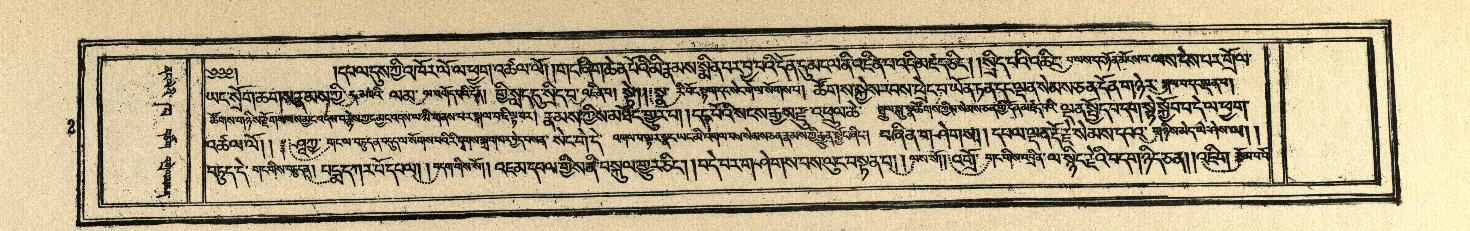༄༅། །དཔལ་དུས་ཀྱི་འཁོར་ལོ་ལ་ཕྱག་འཚལ་ལོ། །གང་ཞིག་ཆེན་པོའི་མི་རྣམས་སྨིན་པར་བྱ་བའི་དོན་དུ་མངལ་ནི་འཛིན་པ་འདི་མཛད་ཅིང་། །སྲིད་པའི་འཆིང་བ་ལས་དང་ཉོན་མོངས་པ་ལས་ངེས་པར་གྲོལ་
ཡང་སྲོག་ཆགས་རྣམས་ཀྱི་ད་མཁའི་ལམ་ལ་འགོད་པའི་དོན། གྱི་སླད་དུ་སྲིད་པ་འཛིན་པ། སྟེ། །སྣ་རི་བོང་སྟག་དང་སེང་གེ་ལ་སོགས་པ། ཚོགས་སྐྱེས་རབས་ཕྲེང་བ་ཡོན་ཏན་དང་ལྡན་སེམས་ཅན་དོན་གཉེར་སྐལ་བ་དང་ལྡན་པ།
ཚོགས་གཉིས་རྫོགས་ལས་མྱང་འདས་བརྙེས་ཀྱང་མྱང་འདས་ལ་མི་གནས་པར་སྐལ་བ་ཇི་ལྟ་བར། རྣམས་ཀྱིས་མཐོང་གྱུར་པ། །དང་པོའི་སངས་རྒྱས་རྫུ་འཕྲུལ་ཆེ་སྤྲུལ་སྐུ་སྣ་ཚོགས་ཀྱིས་སེམས་ཅན་གྱི་དོན་མཛད་པའི་ལྡན་སྤྱོད་པ་དག་སྟེ་སྐྱོབ་པ་དེ་ལ་ཕྱག་
འཚལ་ལོ། །ཤཱ་ཀྱ་གང་ལ་བཏུད་ན་བདུད་ལ་སོགས་པའི་རི་དྭགས་སྐྲག་པར་བྱེད་པས་ན་སེང་གེ་དེ་འགལ་བ་ལྟར་སྣང་ཡང་མི་འགལ་བས་སེམས་ཅན་རྣམས་ཀྱི་རྒྱུན་སྐྱོང་ཞིང་། བཞིན་གཤེགས། །དཔལ་ལྡན་རྡོ་རྗེ་སེམས་དཔའ་གཉིས་མེད་ཡེ་ཤེས་ལ། །
བཏུད་དེ་གང་གིས་བཏུད་ན། པད་མ་དཀར་པོ་དཔལ། །བདག་གིས་སོ། །འཇམ་དཔལ་གྱིས་ནི་བསྐུལ་གྱུར་ཅིང་། །བདེ་བར་གཤེགས་པས་ལུང་བསྟན་པ། །ལས་སོ། །འགྲོ་གང་གི་འབྲིན་ལ་སྙིང་རྗེའི་བདག་ཉིད་ཅན། །འཇིག་རྩོམ་པ་པོ་